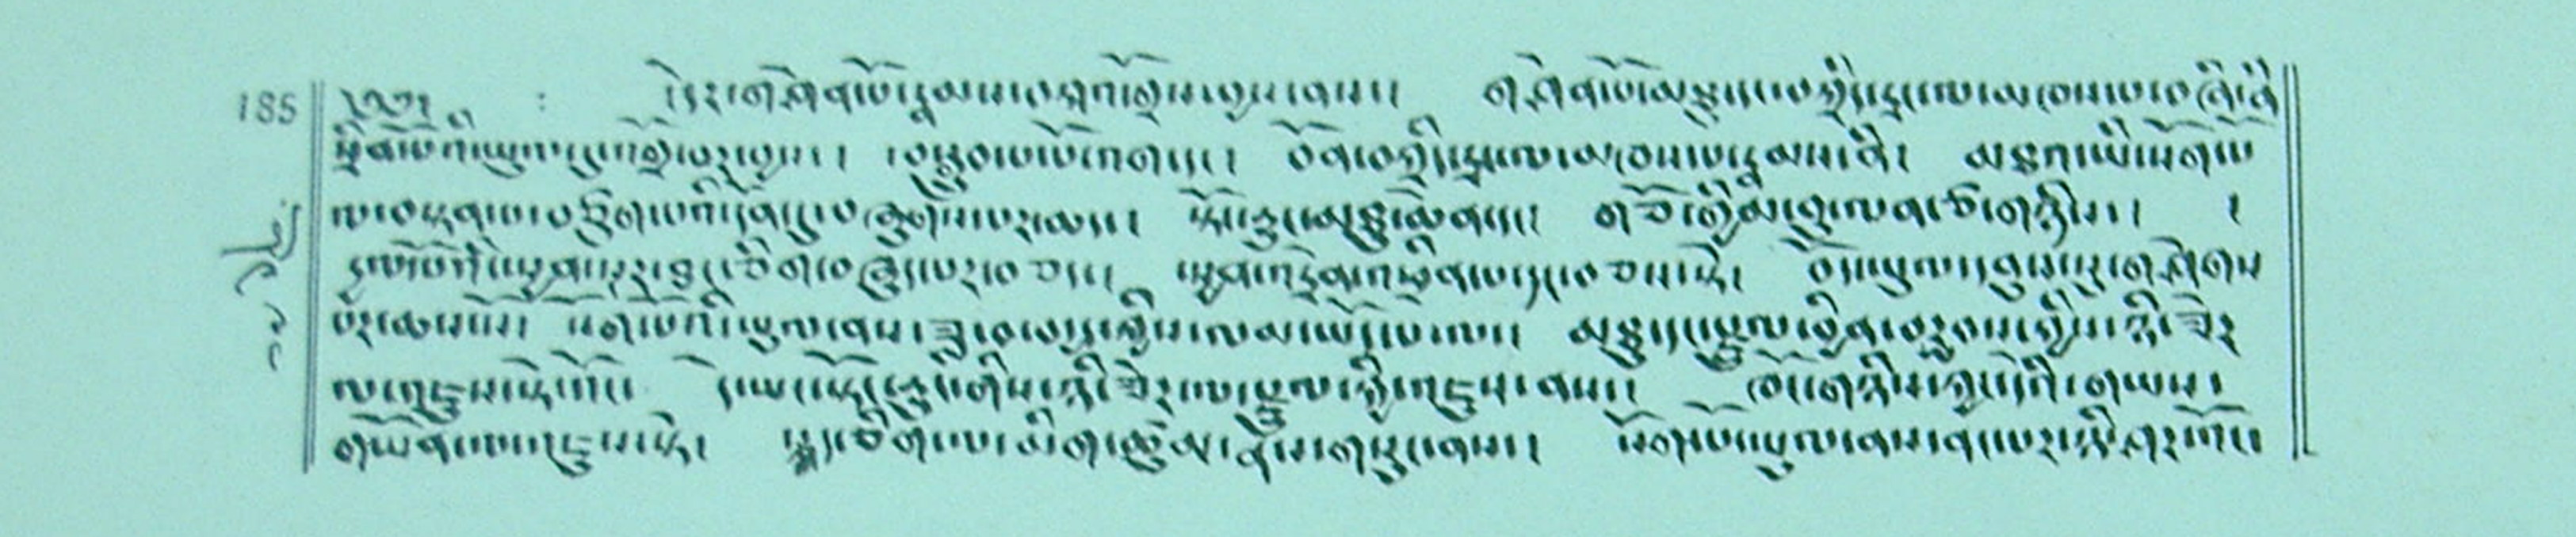༄༅། །དེར་གཤེན་པོ་རྣམས་བཀའ་གྲོས་བྱས་ནས། གཤེན་པོ་མཐུ་དང་བཀྲིད་དྲང་ལ་མཁས་པ་བཞི་ནི། 
སྲིན་པོའི་ཡུལ་དུ་འགྲོ་བར་བྱས། སྒྲུབ་པ་བོ་འག་དང་། བོན་བཀྲིད་དྲང་ལ་མཁས་པ་རྣམས་ནི། མཐའི་སོག་པོ་
ལ་བསྟན་པ་བཙུགས་པའི་དོན་དུ་བཞུགས་པར་ཆས། སྟོང་རྒྱུང་མཐུ་ཆེན་དང་། གཅོ་གྱིམ་བུ་ལན་ཚ་གཉིས་ནི། 
རྒྱལ་བོའི་སྤྱན་སྔར་ཐང་གཅིག་བཞུགས་པར་ཆད། སྤྱན་འདྲེན་འཕྲིན་པ་དང་བཅས་ཏེ། བོད་ཡུལ་དབུས་སུ་གཤེགས་
པར་ཆས་སོ། །སོག་པོའི་ཡུལ་ནས་ཟླ་བ་བརྒྱད་ཀྱི་ལམ་ཡོད་པ་ལ། མཐུ་དང་རྫུ་འཕྲུལ་བྱིན་རླབས་ཀྱིས་ཉི་ཟེར་
ལ་འཇུས་ཏེ་འོང་། དེ་ཡང་སྟོང་རྒྱུང་གིས་ཉི་ཟེར་ལ་རྫུ་འཕྲུལ་གྱིས་འཇུས་ནས། ཁོང་གཉིས་ཀྱང་དེའི་གཡས་གཡོན་
ལ་འཇུས་ཏེ། སྐད་ཅིག་ལ་མིག་ཚུམ་ནས་གསུངས་ནས། སོག་པོའི་ཡུལ་ནས་ནང་པར་ཉི་ཤར་འོངས་